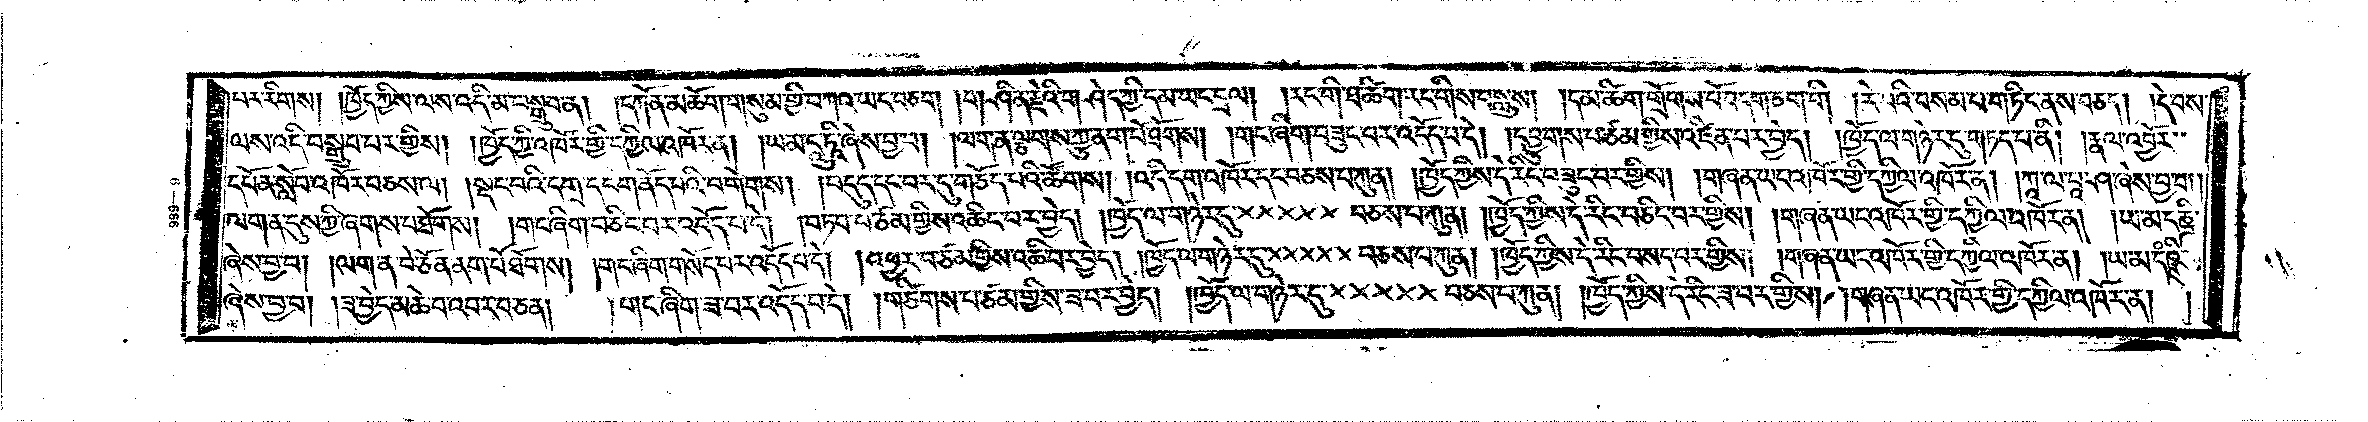པར་རིགས། །ཁྱོད་ཀྱིས་ལ་འདི་མ་བསྒྲུབ་ན། །དཀོན་མཆོག་གསུམ་གྱི་བཀའ་ཡང་བཅག །གཤིན་རྗེའི་གཤེད་ཀྱི་དམ་ཡང་དྲལ། །རང་གི་ཐ་ཚིག་རག་གིས་བསླུས། །དམ་ཚིག་གྲོགས་པོ་བདག་ཅག་གི །རེ་བའི་བསམ་པ་གཏིང་ནས་བཅད། །དེ་བས་
ལས་འདི་བསྒྲུབ་པར་གྱིས། །ཁྱོད་ཀྱི་འཁོར་གྱི་དཀྱིལ་འཁོར་ན། །ཡ་མ་དཱུ་ཏཱི་ཞེས་བྱ་བ། །ལག་ན་ལྕགས་ཀྱུ་ནག་པོ་ཐོགས། །གང་ཞི་བཟུང་པར་འདོད་པ་དེ། །དབྱུངས་པ་ཙམ་གྱིས་འཛིན་པར་བྱེད། །ཁྱོད་ལ་གཉེར་དུ་གཏད་པ་ནི། །རྣལ་འབྱོར་
དཔོན་སློབ་འཁོར་བཅས་ལ། །སྡང་བའི་དགྲ་དང་གནོད་པའི་བགེགས། །བདུད་དང་བར་དུ་གཅོད་པའི་ཚོགས། །འདི་དག་འཁོར་དང་བཅས་པ་ཀུན། །ཁྱོད་ཀྱིས་དེ་རིང་བཟུང་བར་གྱིས། །གཞན་ཡང་འཁོར་གྱི་དཀྱིལ་འཁོར་ན། །ཀཱ་ལ་པཱ་ཤ་ཞེས་བྱ་ག། །
ལག་ན་དུས་ཀྱི་ཞགས་པ་ཐོགས། །གང་ཞིག་བཅིང་བར་འདོད་པ་དེ། །བཏབ་པ་ཙམ་གྱིས་འཆིང་བར་བྱེད། །ཁྱོད་ལ་གཉེར་དུ྾་྾་྾་྾་྾་བཅས་པ་ཀུན། །ཁྱོད་ཀྱིས་དེ་རིང་བཅིང་བར་གྱིས། །གཞན་ཡང་འཁོར་གྱི་དཀྱིལ་འཁོར་ན། །ཡ་མ་དཥྚི་
ཞེས་བྱ་བ། །ལག་ན་བེ་ཅོན་ནག་པོ་ཐོགས། །གང་ཞིག་གསོད་པར་འདོད་པ་དེ། །འཕྱར་བ་ཙམ་གྱིས་འཆི་བར་བྱེད། །ཁྱོད་ལ་གཉེར་དུ྾་྾་྾་྾་྾་བཅས་པ་ཀུན། །ཁྱོད་ཀྱིས་དེ་རིང་བསད་པར་གྱིས། །གཞན་ཡང་འཁོར་གྱི་དྱྐིལ་འཁོར་ན། །ཡ་མ་དཾཥྚི་
ཞེས་བྱ་བ། །ཟ་བྱེད་མཆེ་བ་འབར་བ་ཅན། །གང་ཞིག་ཟ་བར་འདོད་པ་དེ། །གཙིགས་པ་ཙམ་གྱིས་ཟ་བར་བྱེད། །ཁྱོད་ལ་གཉེར་དུ་྾་྾་྾་྾་྾་བཅས་པ་ཀུན། །ཁྱོད་ཀྱིས་དེ་རིང་ཟ་བར་གྱིས། །གཞན་ཡང་འཁོར་གྱི་དཀྱིལ་འཁོར་ན། །